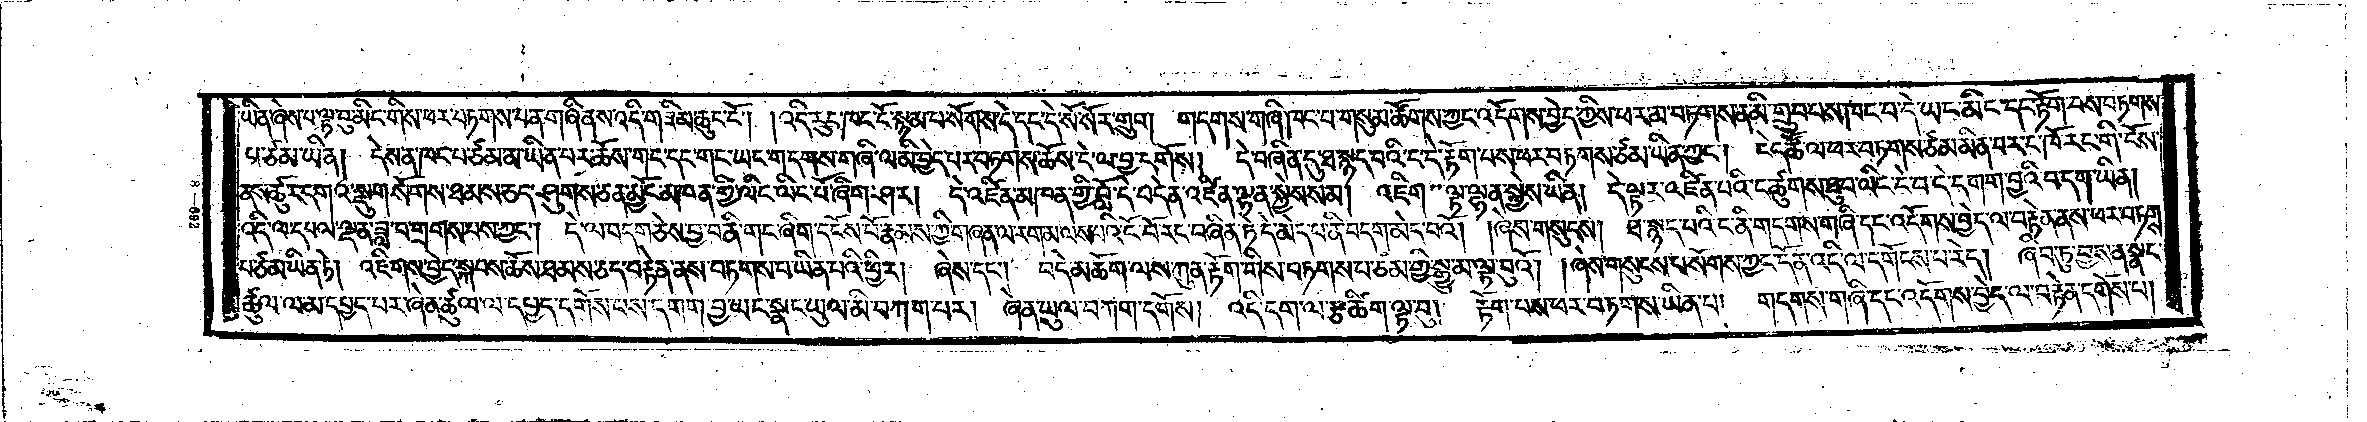ཡིན་ཞེས་པ་ལྟ་བུ་མིང་གིས་ཕར་བཏགས་པ་ན་གཞི་ནས་འདི་གཟིམ་ཆུང་ངོ། །འདི་རུང་ཁང་ངོ་སྙམ་པ་སོགས་དེ་དང་དེ་སོ་སོར་གྲུབ། གདགས་གཞི་ཁང་པ་གསུམ་ཚོགས་ཀྱང་འདོགས་བྱེད་ཀྱིས་ཕར་མ་བཏགས་ན་མི་གྲུབ་པས་ཁང་པ་དེ་ཡང་མིང་དང་རྟོག་པས་བཏགས་
པ་ཙམ་ཡིན། དེས་ན་ཁང་པ་ཙམ་མ་ཡིན་པར་ཆོས་གང་དང་གང་ཡང་གདགས་གཞི་ལ་མི་བྱེད་པར་བཏགས་ཆོས་དེ་ལ་བྱ་དགོས། དེ་བཞིན་དུ་ཐ་སྙད་པའི་ང་དེ་རྟོག་པས་ཕར་བཏགས་ཙམ་ཡིན་ཀྱང་། ངེད་ཚོ་ལ་ཕར་བཏགས་ཙམ་མིན་པར་ང་ཁོ་རང་གི་ངོས་
ནས་ཚུར་དགའ་སྡུག་སོགས་ཐམས་ཅད་ཤུགས་ཅན་མྱོང་མཁན་གྱི་ལིང་ལིང་པོ་ཞིག་ཤར། དེ་འཛིན་མཁན་གྱི་བློ་དེ་བདེན་འཛིན་ལྷན་སྐྱེས་སམ། འཇིག་ལྟ་ལྷན་སྐྱེས་ཡིན། དེ་ལྟར་འཛིན་པའི་ང་ཚུགས་ཐུབ་ལིང་ངེ་བ་དེ་དགག་བྱའི་བདག་ཡིན།
འདི་ལ་དཔལ་ལྡན་ཟླ་བ་གྲགས་པས་ཀྱང་། དེ་ལ་བདག་ཅེས་བྱ་བ་ནི་གང་ཞིག་དངོས་པོ་རྣམས་ཀྱི་གཞན་ལ་རག་མ་ལས་པའི་ངོ་བོ་རང་བཞིན་ཏེ་དེ་མེད་པ་ནི་བདག་མེད་པའོ། །ཞེས་གསུངས། ཐ་སྙད་པའི་ང་ནི་གདགས་གཞི་དང་འདོགས་བྱེད་ལ་བརྟེན་ནས་ཕར་བཏགས་
པ་ཙམ་ཡིན་ཏེ། འཇིགས་བྱེད་སྐབས་ཆོས་ཐམས་ཅད་བརྟེན་ནས་བཏགས་པ་ཡིན་པའི་ཕྱིར། ཞེས་དང་། བདེ་མཆོག་ལས་ཀུན་རྟོག་གིས་བཏགས་པ་ཙམ་གྱི་སྒྱུ་མ་ལྟ་བུའོ། །ཞེས་གསུངས་པ་སོགས་ཀྱང་དོན་འདི་ལ་དགོངས་པ་རེད། ཞིབ་ཏུ་བྱས་ན་སྣང་
ཚུལ་ལ་མ་དཔྱད་པར་ཞེན་ཚུལ་ལ་དཔྱད་དགོས་པས་དགག་བྱ་ཡང་སྣང་ཡུལ་མི་བཀག་པར། ཞེན་ཡུལ་བཀག་དགོས། འདི་དག་ལ་རྩ་ཚིག་ལྟ་བུ། རྟོག་པས་ཕར་བཏགས་ཡིན་པ། གདགས་གཞི་དང་འདོགས་བྱེད་ལ་བརྟེན་དགོས་པ།